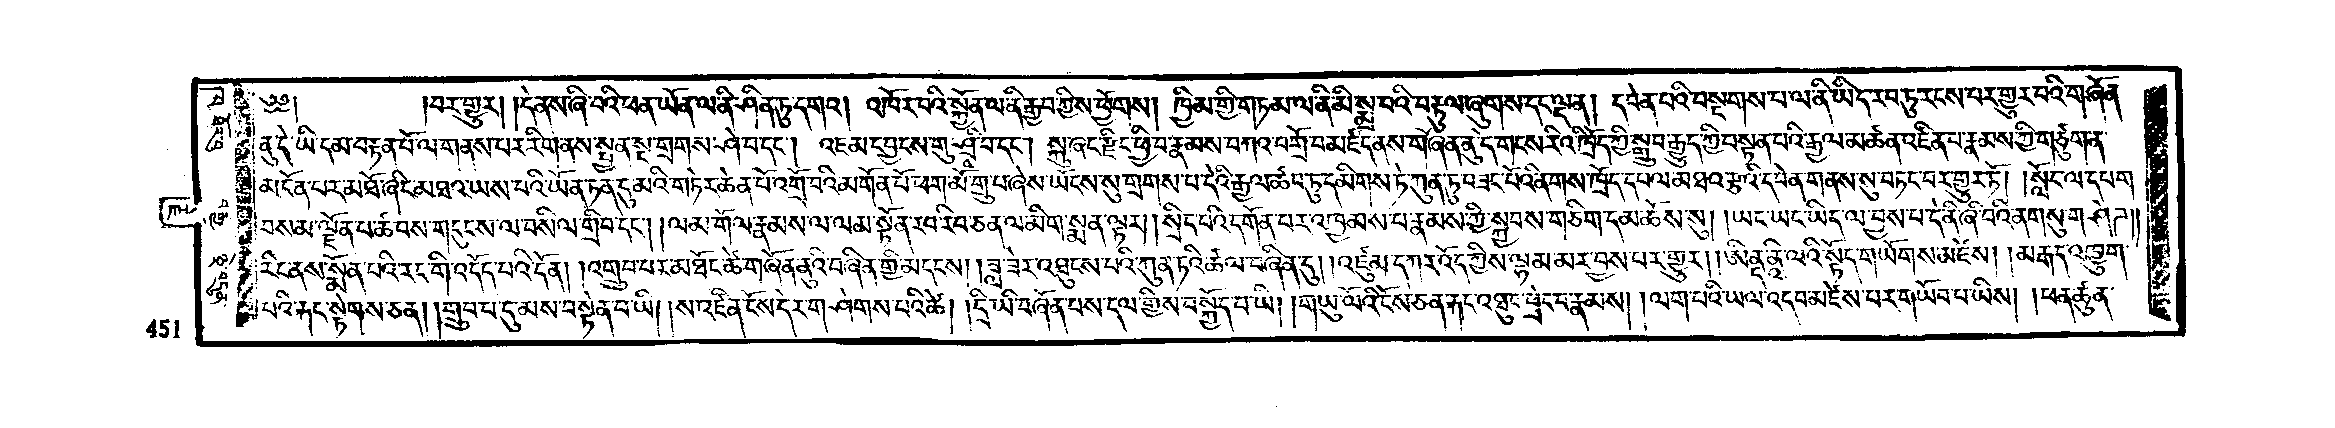༄༅། །བར་གྱུར། །དེ་ནས་ཞི་བའི་ཕན་ཡོན་ལ་ནི་ཤིན་ཏུ་དགའ། འཁོར་བའི་སྐྱོན་ལ་ནི་རྒྱབ་ཀྱིས་ཕྱོགས། ཁྱིམ་གྱི་གཏམ་ལ་ནི་མི་སྨྲ་བའི་བརྟུལ་ཞུགས་དང་ལྡན། དབེན་པའི་བསྔགས་པ་ལ་ནི་ཡིད་རབ་ཏུ་རངས་པར་གྱུར་པའི་གཞོན་
ནུ་དེ་ཡི་དམ་བརྟན་པོ་ལ་གནས་པར་རིག་ནས་སྤྱན་སྔ་གྲགས་ཤེ་བ་དང་། འཇམ་དབྱངས་བུ་ཤྲཱི་བ་དང་། སྐུ་ཞང་རྫིང་ཕྱི་བ་རྣམས་བཀའ་བགྲེ་བ་མཛད་ནས་གཞོན་ནུ་དེ་གངས་རིའི་ཁྲོད་ཀྱི་སྒྲུབ་རྒྱུད་ཀྱི་བསྟན་པའི་རྒྱལ་མཚན་འཛིན་པ་རྣམས་ཀྱི་གཙུག་ན་
མངོན་པར་མཐོ་ཞིང་མཐའ་ཡས་པའི་ཡོན་ཏན་དུ་མའི་གཏེར་ཆེན་པོ་འགྲོ་བའི་མགོན་པོ་ཕག་མོ་གྲུ་པ་ཞེས་ཡོངས་སུ་གྲགས་པ་དེའི་རྒྱལ་ཚབ་ཏུ་དམིགས་ཏེ་ཀུན་ཏུ་བཟང་པོའི་ནགས་ཁྲོད་དཔལ་མཐའ་རྩའི་དབེན་གནས་སུ་བཏང་བར་གྱུར་ཏོ། །སློང་ལ་དཔག་
བསམ་ལྗོན་པ་ཚ་བས་གདུངས་ལ་བསིལ་གྲིབ་དང་། །ལམ་གོལ་རྣམས་ལ་ལམ་སྟོན་རབ་རིབ་ཅན་ལ་མིག་སྨན་ལྟར། །སྲིད་པའི་དགོན་པར་འཁྱམས་པ་རྣམས་ཀྱི་སྐྱབས་གཅིག་དམ་ཆོས་སུ། །ཡང་ཡང་ཡིད་ལ་བྱས་པ་དེ་ནི་ཞི་བའི་ནགས་སུ་གཤེགས།།
རིང་ནས་སྨོན་པའི་རང་གི་འདོད་པའི་དོན། །འགྲུབ་པར་མཐོང་ཚེ་གཞོན་ནུའི་བཞིན་གྱི་མདངས། །ཟླ་ཟེར་འཐུངས་པའི་ཀུན་ཏའི་ཚལ་བཞིན་དུ། །འཛུམ་དཀར་འོད་ཀྱིས་ལྷམ་མར་བྱས་པར་གྱུར། །ཨིནྡ་ནཱི་ལའི་སྟོད་གཡོགས་མཛེས། །མྲྒད་འཁྱུག་
པའི་རྐང་སྟེགས་ཅན། །གྲུབ་པ་དུ་མས་བསྟེན་པ་ཡི། །ས་འཛིན་ངོས་དེར་གཤེགས་པའི་ཚེ། །དྲི་ཡི་བཞོན་པས་དལ་གྱིས་བསྐྱོད་པ་ཡི། །གཡུ་ལོའི་ངོས་ཅན་རྐང་འཐུང་ཕྲེང་བ་རྣམས། །ལག་པའི་ཡལ་འདབ་མཛེས་པར་གཡོབ་པ་ཡིས། །ཕན་ཚུན་